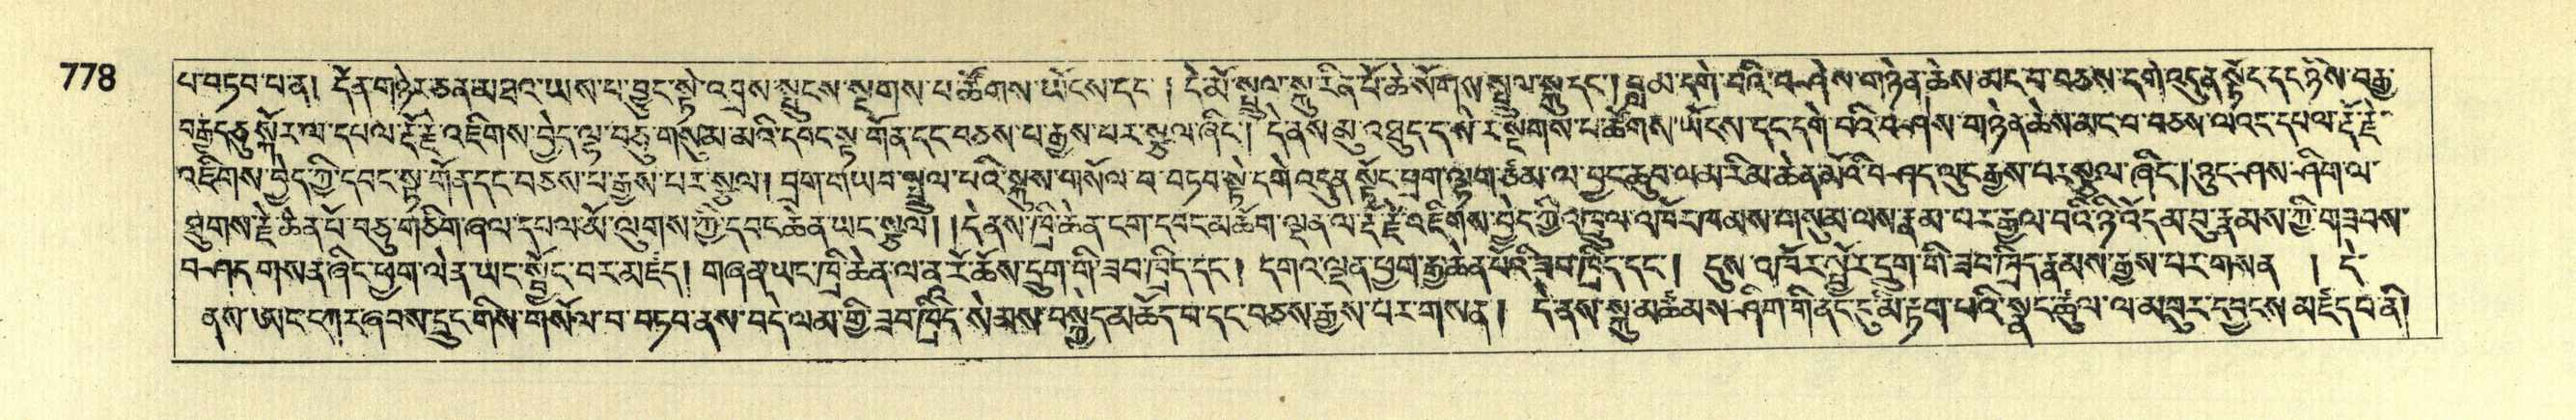པ་བཏབ་པ་ན། དོན་གཉེར་ཅན་མཐའ་ཡས་པ་བྱུང་སྟེ་འབྲས་སྤུངས་སྔགས་པ་ཚོགས་ཡོངས་དང་། དེ་མོ་སྤྲུལ་སྐུ་རིན་པོ་ཆེ་སོགས་སྤྲུལ་སྐུ་དང་། བླ་མ་དགེ་བའི་བཤེས་གཉེན་ཆེས་མང་བ་བཅས་དགེ་འདུན་སྟོང་དང་ཉིས་བརྒྱ་
བརྒྱད་ཅུ་སྐོར་ལ་དཔལ་རྡོ་རྗེ་འཇིགས་བྱེད་ལྷ་བཅུ་གསུམ་མའི་དབང་སྟ་གོན་དང་བཅས་པ་རྒྱས་པར་སྩལ་ཞིང་། དེ་ནས་མུ་འཐུད་ད་སེར་སྔགས་པ་ཚོགས་ཡོངས་དང་དགེ་བའི་བཤེས་གཉེན་ཆེས་མང་བ་བཅས་ལའང་དཔལ་རྡོ་རྗེ་
འཇིགས་བྱེད་ཀྱི་དབང་སྟ་གོན་དང་བཅས་པ་རྒྱས་པར་སྩལ། བྲག་གཡབ་སྤྲུལ་པའི་སྐུས་གསོལ་བ་བཏབ་སྟེ་དགེ་འདུན་སྟོང་ཕྲག་ལྷག་ཙམ་ལ་བྱང་ཆུབ་ལམ་རིམ་ཆེན་མོའི་བཤད་ལུང་རྒྱས་པར་སྩལ་ཞིང་། ཉུང་ཤས་ཤིག་ལ་
ཐུགས་རྗེ་ཆེན་པོ་བཅུ་གཅིག་ཞལ་དཔལ་མོ་ལུགས་ཀྱི་དབང་ཆེན་ཡང་སྩལ། །དེ་ནས་ཁྲི་ཆེན་ངག་དབང་མཆོག་ལྡན་ལ་རྡོ་རྗེ་འཇིགས་བྱེད་ཀྱི་འཁྲུལ་འཁོར་ཁམས་གསུམ་ལས་རྣམ་པར་རྒྱལ་བའི་ཉི་འོད་མ་བུ་རྣམས་ཀྱི་གཟབས་
བཤད་གསན་ཞིང་ཕྱག་ལེན་ཡང་སྦྱོང་བར་མཛད། གཞན་ཡང་ཁྲིད་ཆེན་ལ་ནཱ་རོ་ཆོས་དྲུག་གི་ཟབ་ཁྲིད་དང་། དགའ་ལྡན་ཕྱག་རྒྱ་ཆེན་པོའི་ཟབ་ཁྲིད་དང་། དུས་འཁོར་སྦྱོར་དྲུག་གི་ཟབ་ཁྲིད་རྣམས་རྒྱས་པར་གསན་།དེ་
ནས་ཨང་དཀར་ཞབས་དྲུང་གིས་གསོལ་བ་བཏབ་ནས་བདེ་ལམ་གྱི་ཟབ་ཁྲིད་སེམས་བསྐྱེད་མཆོད་བ་དང་བཅས་རྒྱས་པར་གསན། དེ་ནས་སྐུ་མཚམས་ཤིག་གི་ནང་དུ་མི་རྟག་པའི་སྣང་ཚུལ་ལ་མྦུར་དབྱངས་མཛད་བ་ནི།